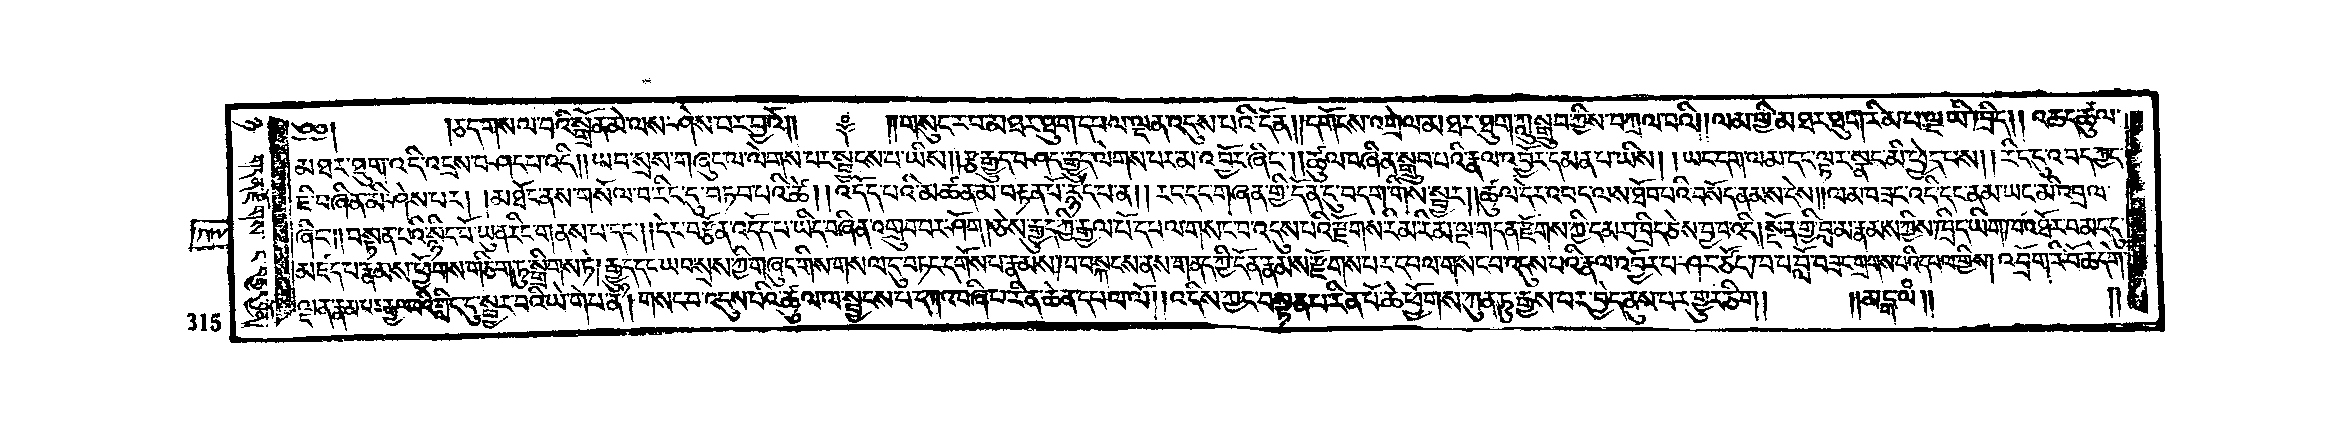༄༅། །ཅད་གསལ་བའི་སྒྲོན་མེ་ལས་ཤེས་པར་བྱའོ།། ༈ །།གསུང་རབ་མཐར་ཐུག་དཔལ་ལྡན་འདུས་པའི་དོན། །དགོངས་འགྲེལ་མཐར་ཐུག་ཀླུ་སྒྲུབ་ཀྱིས་བཀྲལ་བའི། །ལམ་གྱི་མཐར་ཐུག་རིམ་པ་ལྔ་ཡི་ཁྲིད། །འཆད་ཚུལ་
མཐར་ཐུག་འདི་འདྲས་བཤད་པ་འདི། །ཡབ་སྲས་གཞུང་ལ་ལེགས་པར་སྦྱངས་པ་ཡིས། །རྩ་རྒྱུད་བཤད་རྒྱུད་ལེགས་པར་མ་འབྱོར་ཞིང་། །ཚུལ་བཞིན་སྒྲུབ་པའི་རྣལ་འབྱོར་དམན་པ་ཡིས། །ཡང་དག་ལམ་དང་ལྟར་སྣང་མི་ཕྱེད་པས། །རིང་དུ་འབད་ཀྱང་
ཇི་བཞིན་མི་ཤེས་པར། །མཐོང་ནས་གསོལ་བ་རིང་དུ་བཏབ་པའི་ཚེ། །འདོད་པའི་མཚན་མ་བརྟན་པོ་རྙེད་པ་ན། །རང་དང་གཞན་གྱི་དོན་དུ་བདག་གིས་སྦྱར། །ཚུལ་དེར་འབད་ལས་ཐོབ་པའི་བསོད་ནམས་དེས། །ལམ་བཟང་འདི་དང་ནམ་ཡང་མི་འབྲལ་
ཞིང་། །བསྟན་པའི་སྙིང་པོ་ཡུན་རིང་གནས་པ་དང་། །དེར་བརྩོན་འདོད་པ་ཡིད་བཞིན་འགྲུབ་པར་ཤོག །ཅེས་རྒྱུད་ཀྱི་རྒྱལ་པོ་དཔལ་གསང་བ་འདུས་པའི་རྫོགས་རིམ་རིམ་ལྔ་གདན་རྫོགས་ཀྱི་དམར་ཁྲིད་ཅེས་བྱ་བ་འདི། སྔོན་གྱི་བླ་མ་རྣམས་ཀྱིས་ཁྲིད་ཡིག་ཁ་འཐོར་བ་མང་དུ་
མཛད་པ་རྣམས་ཕྱོགས་གཅིག་ཏུ་སྒྲིགས་ཏེ། རྒྱུད་དང་ཡབ་སྲས་ཀྱི་གཞུང་གིས་གསལ་དུ་བཏང་དགོས་པ་རྣམས་ཁ་བསྐངས་ནས་གནད་ཀྱི་དོན་རྣམས་རྫོགས་པར་དཔལ་གསང་བ་འདུས་པའི་རྣལ་འབྱོར་པ་ཤར་ཙོང་ཁ་པ་བློ་བཟང་གྲགས་པའི་དཔལ་གྱིས། འབྲོག་རི་བོ་ཆེ་དགེ་
ལྡན་རྣམ་པར་རྒྱལ་བའི་གླིང་དུ་སྦྱར་བའི་ཡེ་གེ་པ་ནི། གསང་བ་འདུས་པའི་ཚུལ་ལ་སྦྱངས་པ་དཀའ་བཞི་པ་རིན་ཆེན་དཔལ་ལོ། །འདིས་ཀྱང་བསྟན་པ་རིན་པོ་ཆེ་ཕྱོགས་ཀུན་ཏུ་རྒྱས་པར་བྱེད་ནུས་པར་གྱུར་ཅིག ། །།མངྒ་ལཾ།། །།